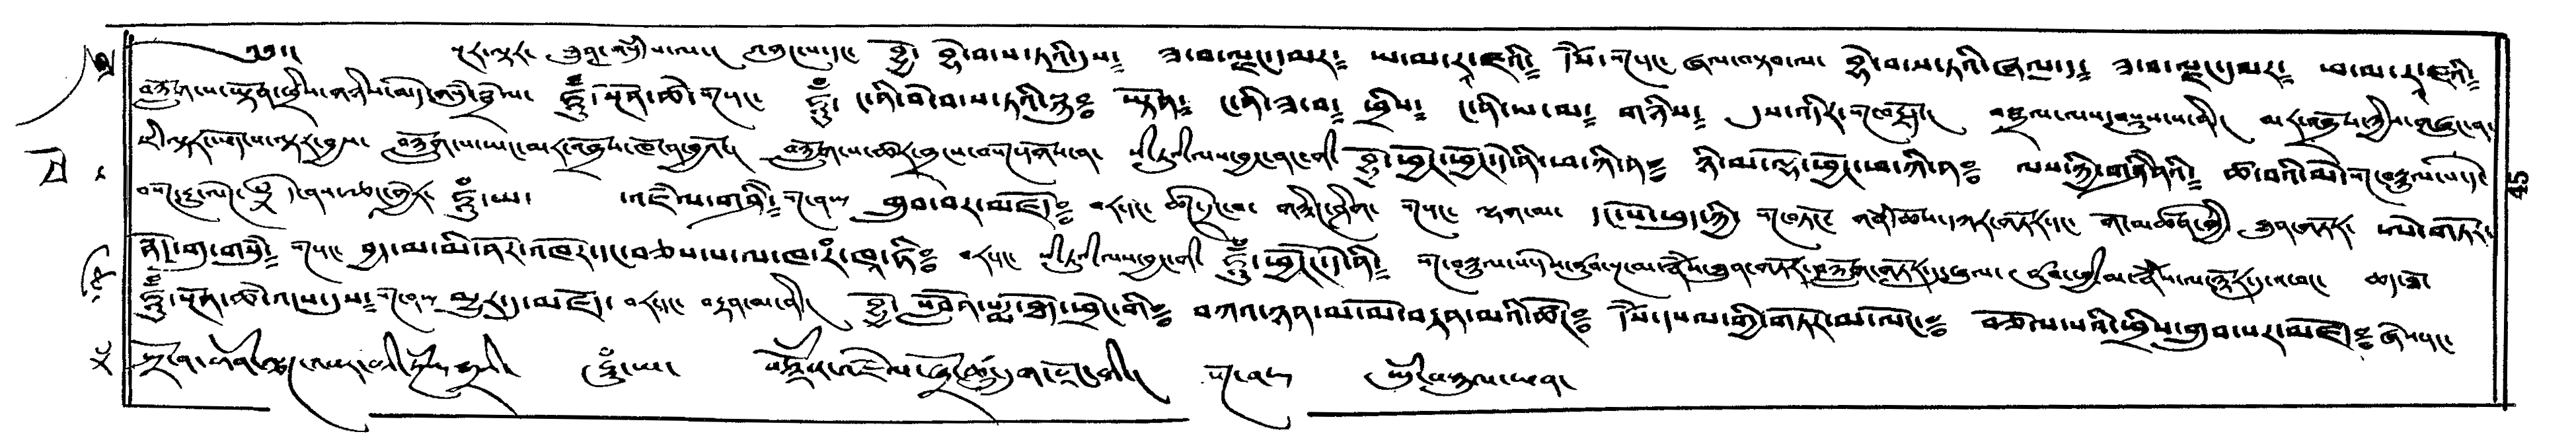སྔར་ལྟར། ཐུན་གསུམ་པ་ལ། འགུགས་པ་དང་། བྷྱོ༔ བྷེ་བ་ས་ཏྭའི་དུས༴ ཟ་བ་ལྗང་དམར༴ ཡ་མ་རཱ་ཛའི༴ དམ་རྫས། སོགས་དང་། ཞལ་བསྟབ་ལ། བྷེ་བ་ས་ཏྭའི་ཞལ་དུ༴ཟ་བ་ལྗང་དམར༴ ཡ་མ་རཱ་ཛའི༴ 
བཟློག་པ་ཡོན་ཏན་ཕྲིན་ལས་གཉིས་མེད་གསུམ་སྦྲེལ། ཧཱུྃ༔ སྔོན་ཚེ ༴སོགས་དང་། ཧཱུྃ༔ ང་ནི་བེ་བ་ས་ཏྭའི་སྐུ༔ ཡོན་ཏན༴ ང་ནི་ཟ་བ༴ ཕྲིན་ལས༴ ང་ནི་ཡ་མ༴ གཉིས༴ དུས་འདིར༴ སོགས་བརྗོད། བསྒྲལ་ལས་བསྡུས་པ་ནི། མར་འགྲོས་ཀྱིས་གཞུང་ན་
ཇི་ལྟར་ཡོད་པ་ལྟར་བྱས། བཟློག་པ་ཡང་མར་འགྲོས་ཁོ་ན་བྱའོ། བཟློག་པ་ཚར་གྲངས་བསོག་དགོས་ན། སི་ཏུའི་ལས་བྱང་ནང་གི། བྷྱོ༔ ཕྱོགས་ཕྱོགས་དེ་ནི་ཕ་ཀི་ན༔ ཉི་མ་ལྷོ་ཕྱོགས་ཕ་ཀི་ན༔ ལས་ཀྱི་གཤིན་རྗེའི༴ ཚ་བའི་མེ༴ སོགས་བསྐུལ་པ་དེ་
བསོག་རྒྱུ་ལེགས། སྤྲོ་ན་གནམ་ལྕགས་འབར་བའི་རྔམས་སྒྲའི། ཧཱུྃ་ཡ༔ བཅོམ་ལྡན་འཇམ་དཔལ་ཁྲོ་ཆུ་དུག་སྡོང་གི༔ སོགས་ནས། ཡུམ་བསྐུལ་ཡན། དེ་ནས་རྩང་གྱེར། ཧཱུྃ་ཡ༔ འཇམ་དཔལ་གཤིན་རྗེ༴ སོགས་ནས། གྲུབ་བར་མཛོད༔ བར་དང་། ཚོགས་དྲང་བ། གཟིགས་ཤིག༴ སོགས་དང་། ལྷག་མ། དང་པོ་ཕུད་ཀྱི༴ སོགས་བཏང་། གནམ་ཆོས་དཀར་གཏོར་དང་། གོ་མཚན་གྱི་ཐུན་གཏོར། ཨེ༔གཏོར་
སྣོད་གྲུ་གསུམ༴ སོགས་དང་། བྱད་མ་མི་ནོར་འཁོར་དང་བཅས་པ་ལ་ཁ་རཾ་ཁཱ་ཧི༔ བར་དང་། སི་ཏུའི་ལས་བྱང་གི། ཧཱུྃ༔ཕྱོགས་ཕྱོགས་དེ་ནི༴ སོགས་བསྐུལ་པ་དེས་ནུབ་སྔ་མ་རྣམས་ཐུན་གཏོར་བཟློག་གཏོར་དུ་ཕུལ། ནུབ་ཕྱི་མ་རྣམས་ལ་ཟོར་དུ་འཕང་། ཆད་ཐོ། 
ཧཱུྃ༔ སྔོན་ཚེ་འདས་དུས༴ སོགས་ནས། མྱུར་དུ་མཛོད༔ བར་དང་། བརྟན་མ་ནི། བྷྱོ༔ སློབ་དཔོན་པདྨ་ཐོད་ཕྲེང་གི༔ བཀའ་ཉན་མ་མོ་བརྟན་མའི་ཚོགས༔ དམ་རྫས་དཔལ་གྱི་གཏོར་མ་ལོང༔ བཅོལ་པའི་ཕྲིན་ལས་གྲུབ་པར་མཛོད༔ ཞེས་དང་།